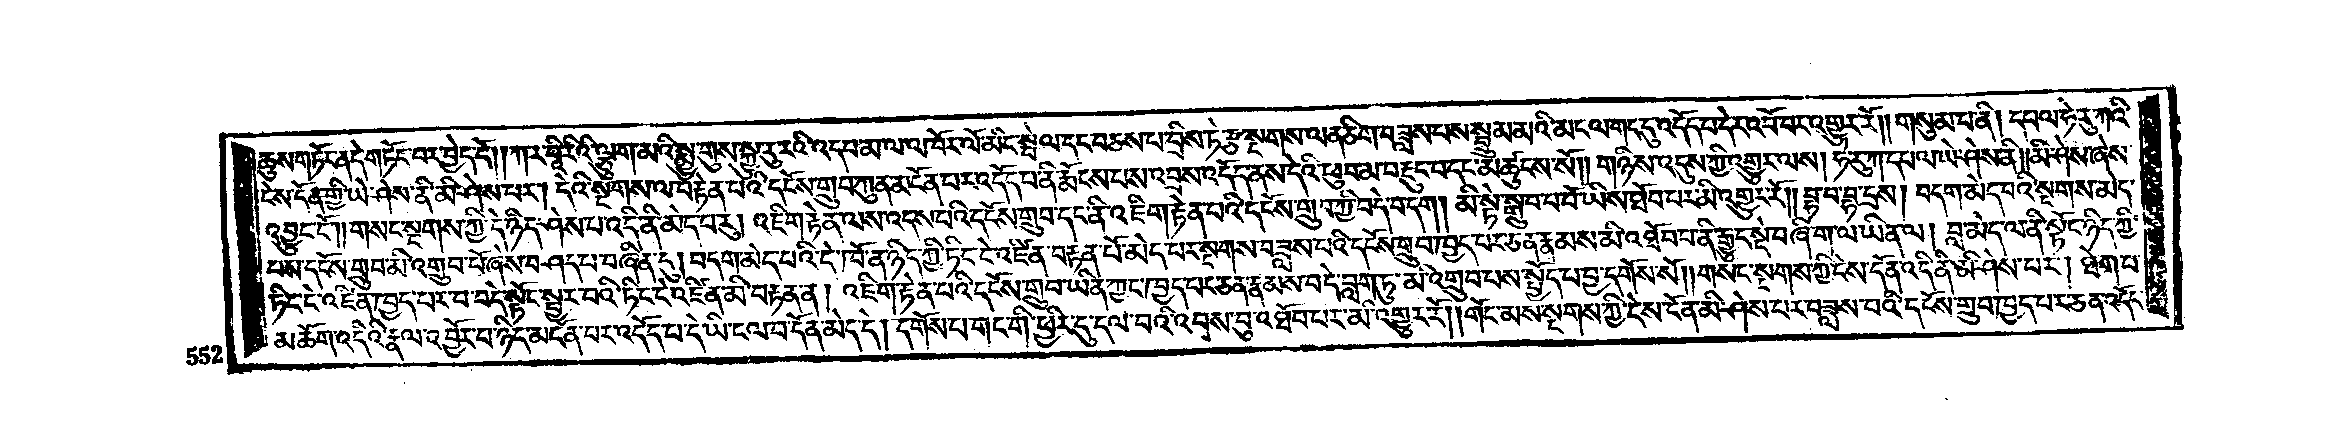ཆུས་གཏོར་ན་དེ་གཏོང་བར་བྱེད་དོ། །ཀ་ར་བཱི་རིའི་ལྕུག་མའི་སྨྱུ་གུས་སྐྱུ་རུ་རའི་འདབ་མ་ལ་འཁོར་ལོ་མིང་སྤེལ་དང་བཅས་པ་བྲིས་ཏེ་རྩ་སྔགས་ལན་ཅིག་བཟླས་པས་སྦྲུམ་མའི་མངལ་གང་དུ་འདོད་པ་དེར་འབོ་བར་འགྱུར་རོ། །གསུམ་པ་ནི། དཔལ་ཧེ་རུ་ཀའི་
ངེས་དོན་གྱི་ཡེ་ཤེས་ནི་མི་ཤེས་པར། དེའི་སྔགས་ལ་བརྟེན་པའི་དངོས་གྲུབ་ཀུན་མངོན་པར་འདོད་པ་ནི་རྨོངས་པས་འབྲས་འདོད་ནས་དེའི་ཕུབ་མ་བརྡུང་བ་དང་མཚུངས་སོ། །གཉིས་འདུས་ཀྱི་འགྱུར་ལས། ཧེ་རུ་ཀ་དཔལ་ཡེ་ཤེས་ནི། །མི་ཤེས་ཞེས་
འབྱུང་ངོ། །གསང་སྔགས་ཀྱི་དེ་ཉིད་ཤེས་པ་འདི་ནི་མེད་པ་རུ། འཇིག་རྟེན་ལས་འདས་པའི་དངོས་གྲུབ་དང་ནི་འཇིག་རྟེན་པའི་དངོས་གྲུབ་ཀྱི་བདེ་བ་དག །མི་སྟེ་སྒྲུབ་པ་པོ་ཡིས་ཐོབ་པར་མི་འགྱུར་རོ། །བྷ་བ་བྷ་དྲས། བདག་མེད་པའི་སྔགས་མེད་
པས་དངོས་གྲུབ་མི་འགྲུབ་པོ་ཞེས་བཤད་པ་བཞིན་དུ། བདག་མེད་པའི་དེ་ཁོ་ན་ཉིད་ཀྱི་ཏིང་ངེ་འཛིན་བརྟན་པོ་མེད་པར་སྔགས་བཟླས་པའི་དངོས་གྲུབ་ཁྱད་པར་ཅན་རྣམས་མི་འཐོབ་པ་ནི་རྒྱུད་སྡེ་བཞི་ག་ལ་ཡིན་ལ། བླ་མེད་ལ་ནི་སྟོང་ཉིད་ཀྱི་
ཏིང་ངེ་འཛིན་ཁྱད་པར་བ་བདེ་སྟོང་སྦྱར་བའི་ཏིང་ངེ་འཛིན་མི་བརྟན་ན། འཇིག་རྟེན་པའི་དངོས་གྲུབ་ཡིན་ཀྱང་ཁྱད་པར་ཅན་རྣམས་བདེ་བླག་ཏུ་མི་འགྲུབ་པས་སྤྱོད་པ་བྱ་དགོས་སོ། །གསང་སྔགས་ཀྱི་ངེས་དོན་འདི་ནི་མི་ཤེས་པར། ཐེག་པ་
མཆོག་འདིའི་རྣལ་འབྱོར་པ་ཉིད་མངོན་པར་འདོད་པ་དེ་ཡི་ངལ་བ་དོན་མེད་དེ། དགོས་པ་གང་གི་ཕྱིར་དུ་དལ་བའི་འབྲས་བུ་འཐོབ་པར་མི་འགྱུར་རོ། །གོང་མས་སྔགས་ཀྱི་ངེས་དོན་མི་ཤེས་པར་བཟླས་པའི་དངོས་གྲུབ་ཁྱད་པར་ཅན་འདོད་